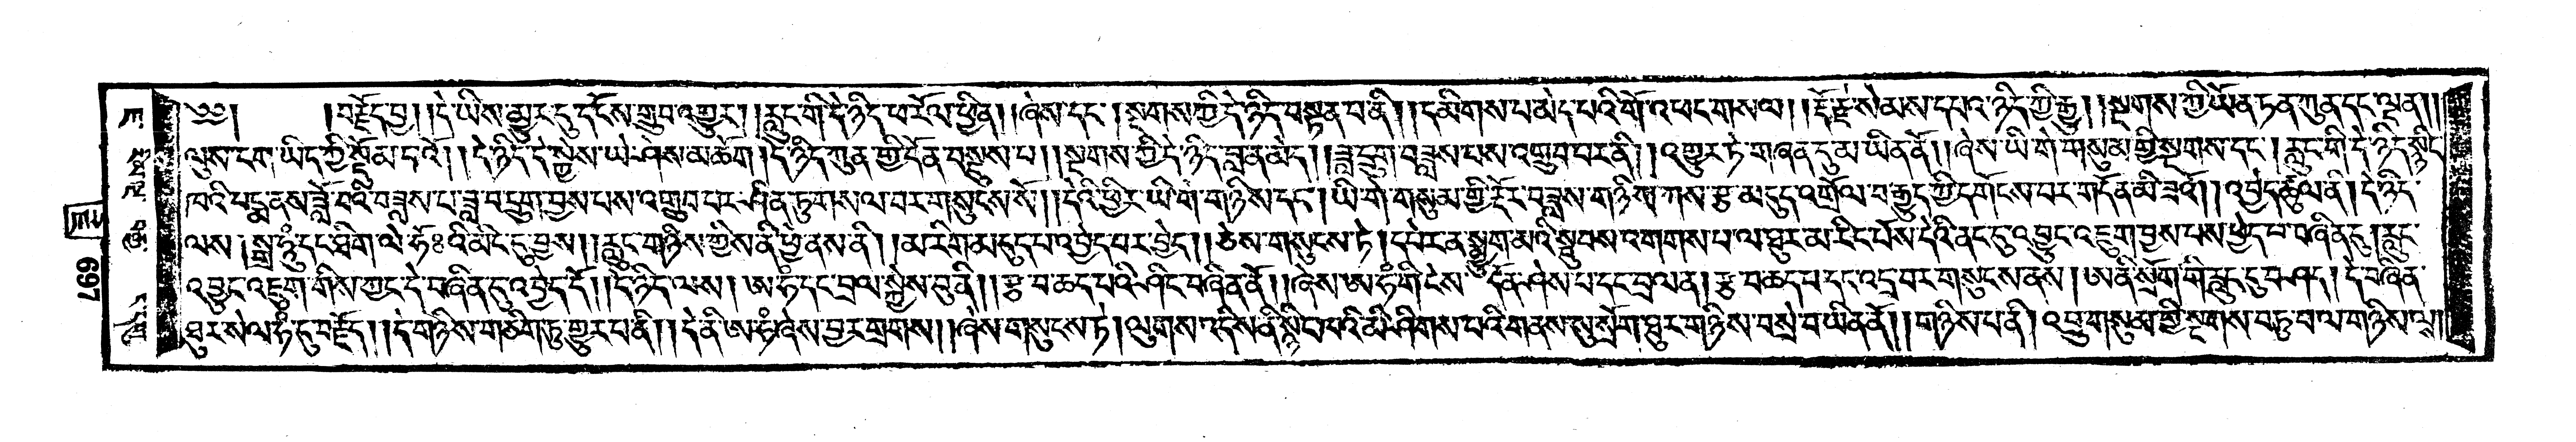༄༅། །བརྗོད་བྱ། །དེ་ཡིས་མྱུར་དུ་དངོས་གྲུབ་འགྱུར། །རླུང་གི་དེ་ཉིད་ཕ་རོལ་ཕྱིན། །ཞེས་དང་། སྔགས་ཀྱི་དེ་ཉིད་བསྟན་པ་ནི། །དམིགས་པ་མེད་པའི་གོ་འཕང་གསལ། །རྡོ་རྗེ་སེམས་དཔའ་ཉིད་ཀྱི་རྒྱུ། །སྔགས་ཀྱི་ཡོན་ཏན་ཀུན་དང་ལྡན། །
ལུས་ངག་ཡིད་ཀྱི་སྡོམ་པའོ། །དེ་ཉིད་དེ་སྐྱེས་ཡེ་ཤེས་མཆོག །དེ་ཉིད་ཀུན་གྱི་དོན་བསྡུས་པ། །སྔགས་ཀྱི་དེ་ཉིད་བླ་ན་མེད་། །ཟླ་དྲུག་བཟླས་པས་འགྲུབ་པར་ནི། །འགྱུར་ཏེ་གཞན་དུ་མ་ཡིན་ནོ། །ཞེས་ཡི་གེ་གསུམ་གྱི་སྔགས་དང་། རླུང་གི་དེ་ཉིད་སྙིང་
ཁའི་པདམ་ནས་ཟློ་བའི་བཟླས་པ་ཟླ་བ་དྲུག་བྱས་པས་འགྲུབ་པར་ཤིན་ཏུ་གསལ་བར་གསུངས་སོ། །དེའི་ཕྱིར་ཡི་གེ་གཉིས་དང་།ཡི་གེ་གསུམ་གྱི་རྡོར་བཟླས་གཉིས་ཀས་རྩ་མདུད་འགྲོལ་བ་རྒྱུད་ཀྱི་དགོངས་པར་གདོན་མི་ཟའོ། །འབྱེད་ཚུལ་ནི། དེ་ཉིད་
ལས། སྒྲ་ཧཱུཾ་དང་ཐིག་ལེ་ཧོཿའི་མིང་དུ་བྱས། །རླུང་གཉིས་ཀྱིས་ནི་ཕྱེ་ནས་ནི། །མ་རིག་མདུད་པ་འབྱེད་པར་བྱེད། །ཅེས་གསུངས་ཏེ། དཔེར་ན་སྨྱུག་མའི་སྦུབས་འགགས་པ་ལ་ཐུར་མ་རིང་པོས་དེའི་ནང་དུ་འབྱུང་འཇུག་བྱས་པས་ཕྱེད་པ་བཞིན་དུ། རླུང་
འབྱུང་འཇུག་གིས་ཀྱང་དེ་བཞིན་དུ་འབྱེད་དོ། །དེ་ཉིད་ལས། ཨ་ཧཾ་དང་བྲལ་སྐྱེས་བུ་ནི། །རྩ་བ་ཆད་པའི་ཤིང་བཞིན་ནོ། །ཞེས་ཨ་ཧཾ་གི་ངེས་དོན་ཤེས་པ་དང་བྲལ་ན། རྩ་བ་ཆད་པ་དང་འདྲ་བར་གསུངས་ནས། ཨ་ནི་སྲོག་གི་རླུང་དུ་བཤད། དེ་བཞིན་
ཐུར་སེལ་ཧཾ་དུ་བརྗོད། །དེ་གཉིས་གཅིག་ཏུ་གྱུར་པ་ནི། །དེ་ནི་ཨ་ཧཾ་ཞེས་བྱར་གྲགས། །ཞེས་གསུངས་ཏེ། ལུགས་འདིས་ནི་སྙིང་ཁའི་མི་ཤིགས་བའི་གནས་སུ་སྲོག་ཐུར་གཉིས་བསྲེ་བ་ཡིན་ནོ། །གཉིས་པ་ནི། འབྲུ་གསུམ་གྱི་སྔགས་བཏུབ་ལ་གཉིས་ལས་